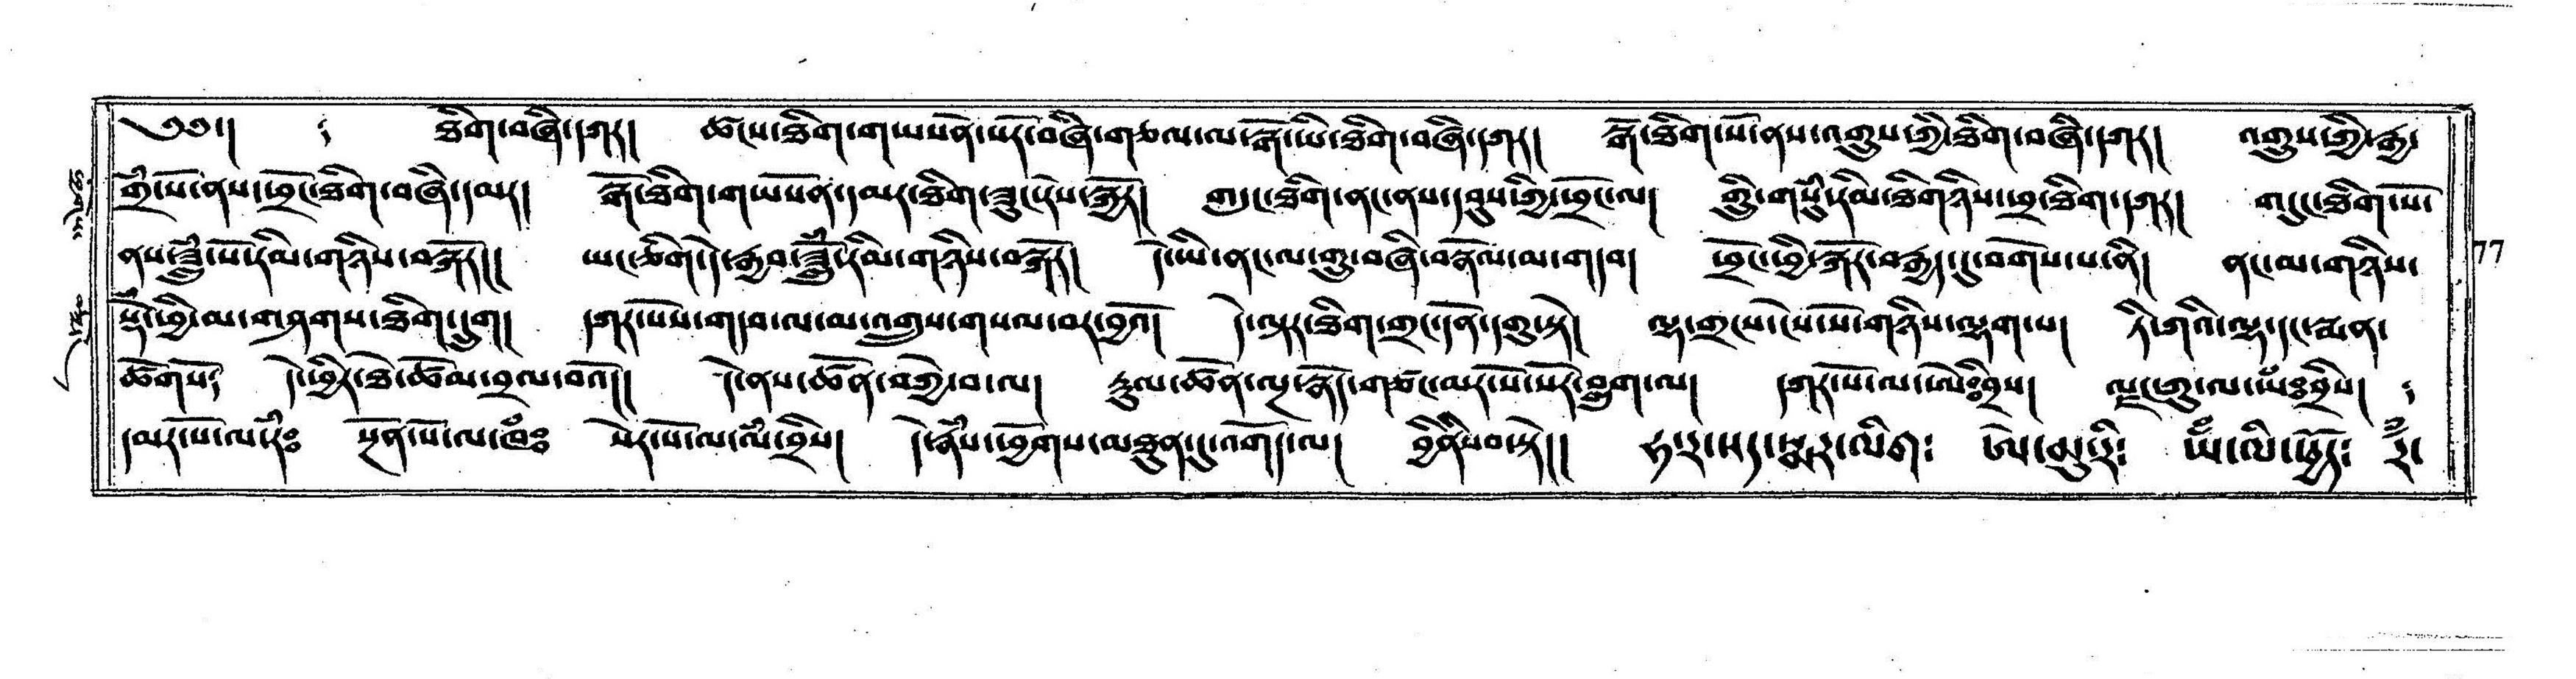ཐིག་བཞི་དཀར། ཚངས་ཐིག་གཡས་གཡོན་སོར་བཞི་གཅལ་ལ་སྒོ་ཡི་ཐིག་བཞི་དཀར། སྒོ་ཐིག་སོ་ནས་འགྲུས་ཀྱི་ཐིག་བཞི་དཀར། འགྲུས་ཀྱི་རྒྱ་
གྲམ་སོ་ནས་ཕོ་བྲང་ཐིག་བཞི་དམར། སྒོ་ཐིག་གཡས་གཡོན་དམར་ཐིག་ཟུང་རེས་སྐྱོར། གདུང་ཐིག་ནང་ནས་དབུས་ཀྱི་ཕོ་བྲང་ལ། གྲུ་བཞི་གསུམ་རིམ་ཐིག་གཉིས་ཕྲ་ཐིག་དཀར། གདུང་ཐིག་སོ་
ནས་ཟླུམ་པོ་རིམ་གཉིས་བསྐོར། ཡང་ཅིག་དེ་རྒྱབ་ཟླུམ་པོ་རིམ་གཉིས་བསྐོར། དེ་ཡི་ནང་ལ་གྲུ་བཞི་བསྣོལ་མ་གདབ། ཕོ་བྲང་ཕྱི་སྐོར་བརྒྱད་དུ་བགོས་པ་ནི། ནང་མ་གཉིས་
སྡོམ་ཕྱི་མ་གཤགས་ཐིག་དྲུག དཀར་པོས་གདབ་ལ་མ་འགྲུས་གསལ་བར་བྱའོ། དེ་ལྟར་ཐིག་གྲང་དོན་དགུ་སྟེ། ལྷ་གྲངས་ངེས་སོ་གཉིས་ལྷག་པ། ཏི་ཀའི་ལྷ་དང་སྨན་
ཚོགས་སོ། དེ་ཕྱིར་ཐེ་ཚོམ་བྲལ་བའོ།། དེ་ནས་ཚོན་བཀྱེ་བ་ལ། རྡུལ་ཚོན་ལྔ་སྣོད་གཙང་མར་སོ་སོར་བླུག་ལ། དཀར་པོ་ལ་ཨེཿབྲིས། ལྗང་ཀུ་ལ་ཡཾཿབྲིས།
དམར་པོ་ལ་རཾཿ སྔོན་པོ་ལ་ཁཾཿ སེར་པོ་ལ་ལཾ་བྲིས། དེ་རྣམས་ཕྱོགས་མཐུན་དུ་འགོད་ལ། བྱིན་གྱིས་བརླབས་སྟེ།། ཧ་ར་སད་སྨར་ལིག༴ ཨེ་མུ་རི༴ ཡྃ་ལི་ཕྱོད༴ རྃ་